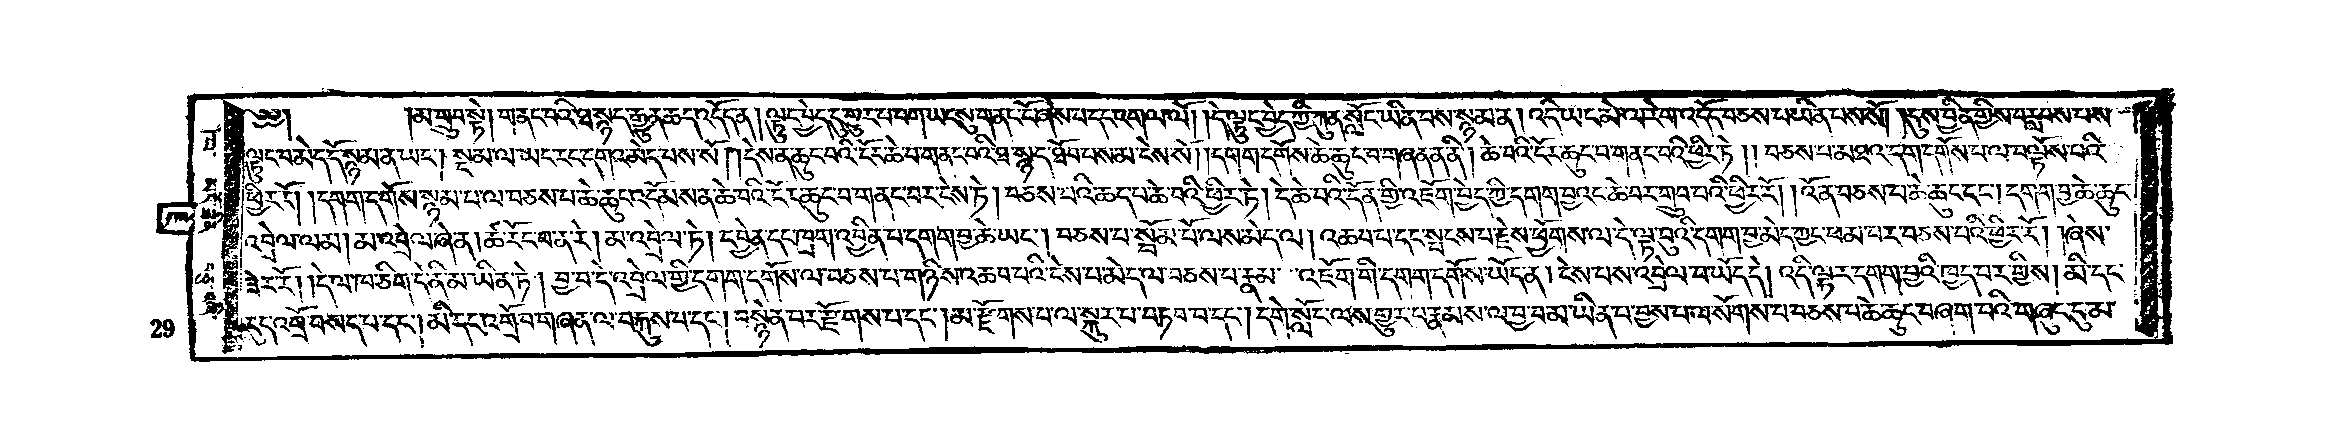༄༅། །མ་གྲུབ་སྟེ། གནང་བའི་ཐ་སྙད་རྒྱུན་ཆད་འདོད་ན། ལྟུང་བྱེད་དུ་གྱུར་པ་བག་ཡངས་སུ་གནང་ངོ་ཞེས་པ་དང་འགལ་ལོ། །དེ་ལྟུང་བྱེད་ཀྱི་ཀུན་སློང་ཡིན་པས་སྙམ་ན། འདི་ཡང་མེ་ལ་རེག་འདོད་བཅས་པ་ཡིན་པས་སོ། །དུས་བྱིན་གྱིས་བརླབས་པས་
ལྟུང་བ་མེད་དོ་སྙམ་ན་ཡང་། སྔ་མ་ལ་ཡང་རང་དགའ་མེད་པས་སོ། །དེས་ན་ཆུང་བའི་ངོར་ཆེ་བ་གནང་བའི་ཐ་སྙད་ཐོབ་པས་མ་ངེས་སོ། །དགག་དགོས་ཆེ་ཆུང་བ་གཞན་ན་ནི། ཆེ་བའི་ངོར་ཆུང་བ་གནང་བའི་ཕྱིར་ཏེ། །བཅས་པ་མཐའ་དག་དགོས་པ་ལ་བལྟོས་པའི་
ཕྱིར་རོ། །དགག་དགོས་སྙམ་པ་ལ་བཅས་པ་ཆེ་ཆུང་འདོམས་ན་ཆེ་བའི་ངོར་ཆུང་བ་གནང་བར་ངེས་ཏེ། བཅས་པའི་ཆད་པ་ཆེ་བའི་ཕྱིར་ཏེ། དེ་ཆེ་བའི་དོན་གྱི་འཇོག་བྱེད་ཀྱི་དགག་བྱའང་ཆེ་བར་གྲུབ་པའི་ཕྱིར་རོ། །འོ་ན་བཅས་པ་ཆེ་ཆུང་དང་། དགག་བྱ་ཆེ་ཆུང་
འབྲེལ་ལམ། མ་འབྲེལ་ཞེ་ན། ཚ་རོང་པ་ན་རེ། མ་འབྲེལ་ཏེ། དབྱེན་དང་ཁྲག་འབྱིན་པ་དགག་བྱ་ཆེ་ཡང་། བཅས་པ་སྦོམ་པོ་ལས་མེད་ལ། འཆབ་པ་དང་སྤངས་པ་རྗེས་ཕྱོགས་ལ་དེ་ལྟ་བུའི་དགག་བྱ་མེད་ཀྱང་ཕམ་པར་བཅས་པའི་ཕྱིར་རོ། །ཞེས་
ཟར་རོ། །དེ་ལ་ཁ་ཅིག་དེ་ནི་མ་ཡིན་ཏེ། བྱ་བ་དེ་འབྲེལ་གྱི་དགག་དགོས་ལ་བཅས་པ་གཉིས་འཆབ་པའི་ངེས་པ་མེད་ལ་བཅས་པ་རྣམ་འཇོག་གི་དགག་དགོས་ཡོད་ན། ངེས་པས་འབྲེལ་བ་ཡོད་དེ། འདི་ལྟར་དགག་བྱའི་ཁྱད་པར་གྱིས། མི་དང་
དུད་འགྲོ་བསད་པ་དང་། མི་དང་འགྲོ་བ་གཞན་ལ་བརྐུས་པ་དང་། བསྙེན་པར་རྫོགས་པ་དང་། མ་རྫོགས་པ་ལ་སྐུར་པ་བཏབ་པ་དང་། དགེ་སློང་ལས་གྱུར་པ་རྣམས་ལ་བྱ་བ་མ་ཡིན་པ་བྱས་པ་ལ་སོགས་པ་བཅས་པ་ཆེ་ཆུང་བཞག་པའི་གཞུང་དུ་མ་